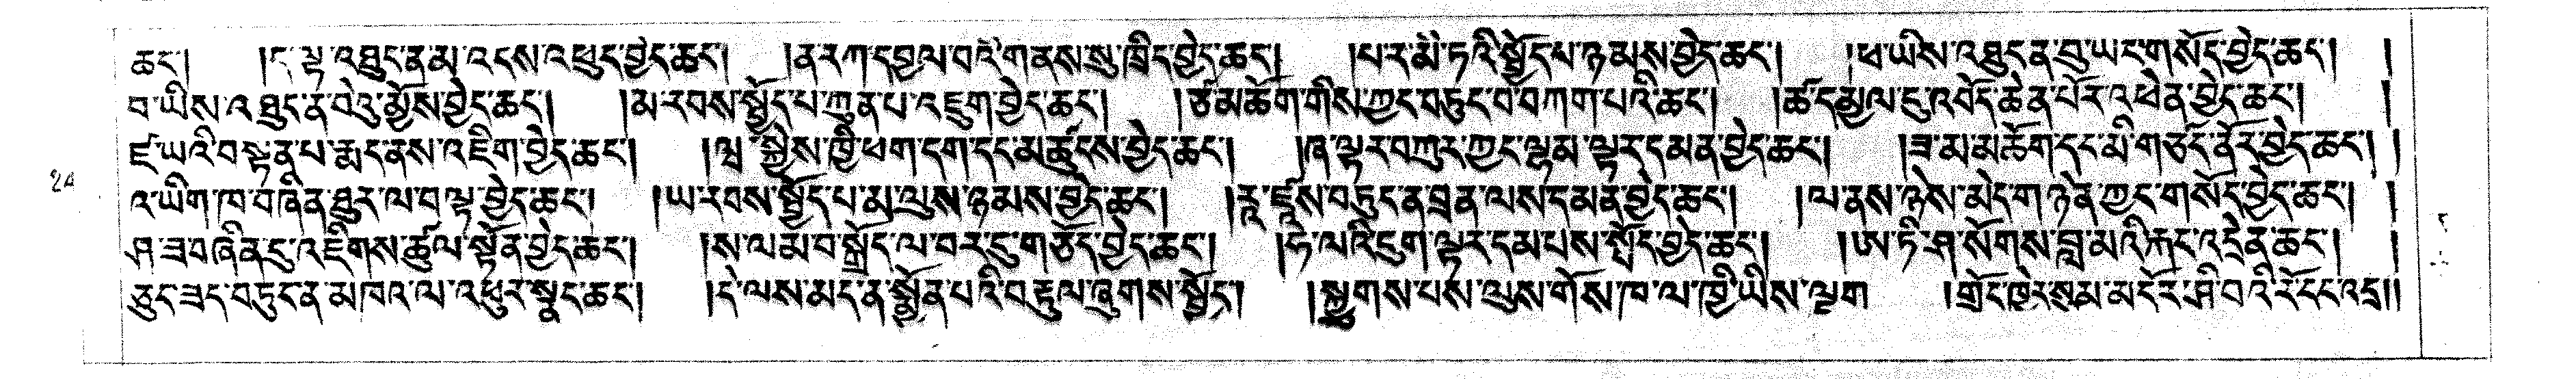ཆད། །ད་ལྟ་འཐུང་ན་མ་འདས་འཕུད་བྱེད་ཆང་། །ན་རཀ་དབྱལ་བའི་གནས་སུ་ཁྲིད་བྱེད་ཆང་། །པ་ར་མི་ཏའི་སྤྱོད་པ་ཉམས་བྱེད་ཆང་། །ཕ་ཡིས་འཐུང་ན་བུ་ཡང་གསོད་བྱེད་ཆང་། །
བ་ཡིས་འཐུང་ན་བེའུ་མྱོས་བྱེད་ཆང་། །མ་རབས་སྤྱོད་པ་ཀུན་པ་འཇུག་བྱེད་ཆང་། །ཙ་མཆོག་གིས་ཀྱང་བཏུང་བ་བཀག་པའི་ཆང་། །ཚ་དམྱལ་དུ་འབོད་ཆེན་པོར་འཕེན་བྱེད་ཆང་། །
ཛ་ཡའི་བསྟན་པ་རྨད་ནས་འཇིག་བྱེད་ཆང་། །ཝ་སྐྱེས་ཁྱི་ཕག་དག་དང་མཚུངས་བྱེད་ཆང་། །ཞ་ལྟར་བཀུར་ཀྱང་ལྷམ་ལྟར་དམན་བྱེད་ཆང་། །ཟ་མ་མཆོག་དང་མི་གཙང་ནོར་བྱེད་ཆང་། །
འ་ཡིག་ཁ་བཞིན་ཐུར་ལ་བལྟ་བྱེད་ཆང་། །ཡ་རབས་སྤྱོད་པ་མ་ལུས་ཉམས་བྱེད་ཆང་། །རཱ་ཛཱས་བཏུང་ན་བྲན་ལས་དམན་བྱེད་ཆང་། །ལ་ནས་ཉེས་མེད་གཉེན་ཀྱང་གསོད་བྱེད་ཆང་། །
ཤ་ཟ་བཞིན་དུ་འཇིགས་ཚུལ་སྟོན་བྱེད་ཆང་། །ས་ལམ་བ་སྒྲོད་ལ་བར་དུ་གཅོད་བྱེད་ཆང་། །ཧ་ལའི་དུག་ལྟར་དམ་པས་སྤོད་བྱེད་ཆང་། །ཨ་ཏི་ཤ་སོགས་བླ་མའི་རྐང་འདྲེན་ཆང་། །
ཅུང་ཟད་བཏུང་ན་མཁའ་ལ་འཕུར་སྣང་ཆང་། །དེ་ལས་མེད་ན་སྨྱོན་པའི་བརྟུལ་ཞུགས་སྦྱོད། །སྐྱུགས་པས་ལུས་གོས་ཁ་ལ་ཁྱི་ཡིས་ལྷག །གྲོང་ཁྱེར་སུམ་མདོར་ཤི་བའི་རོ་དང་འདྲ།།